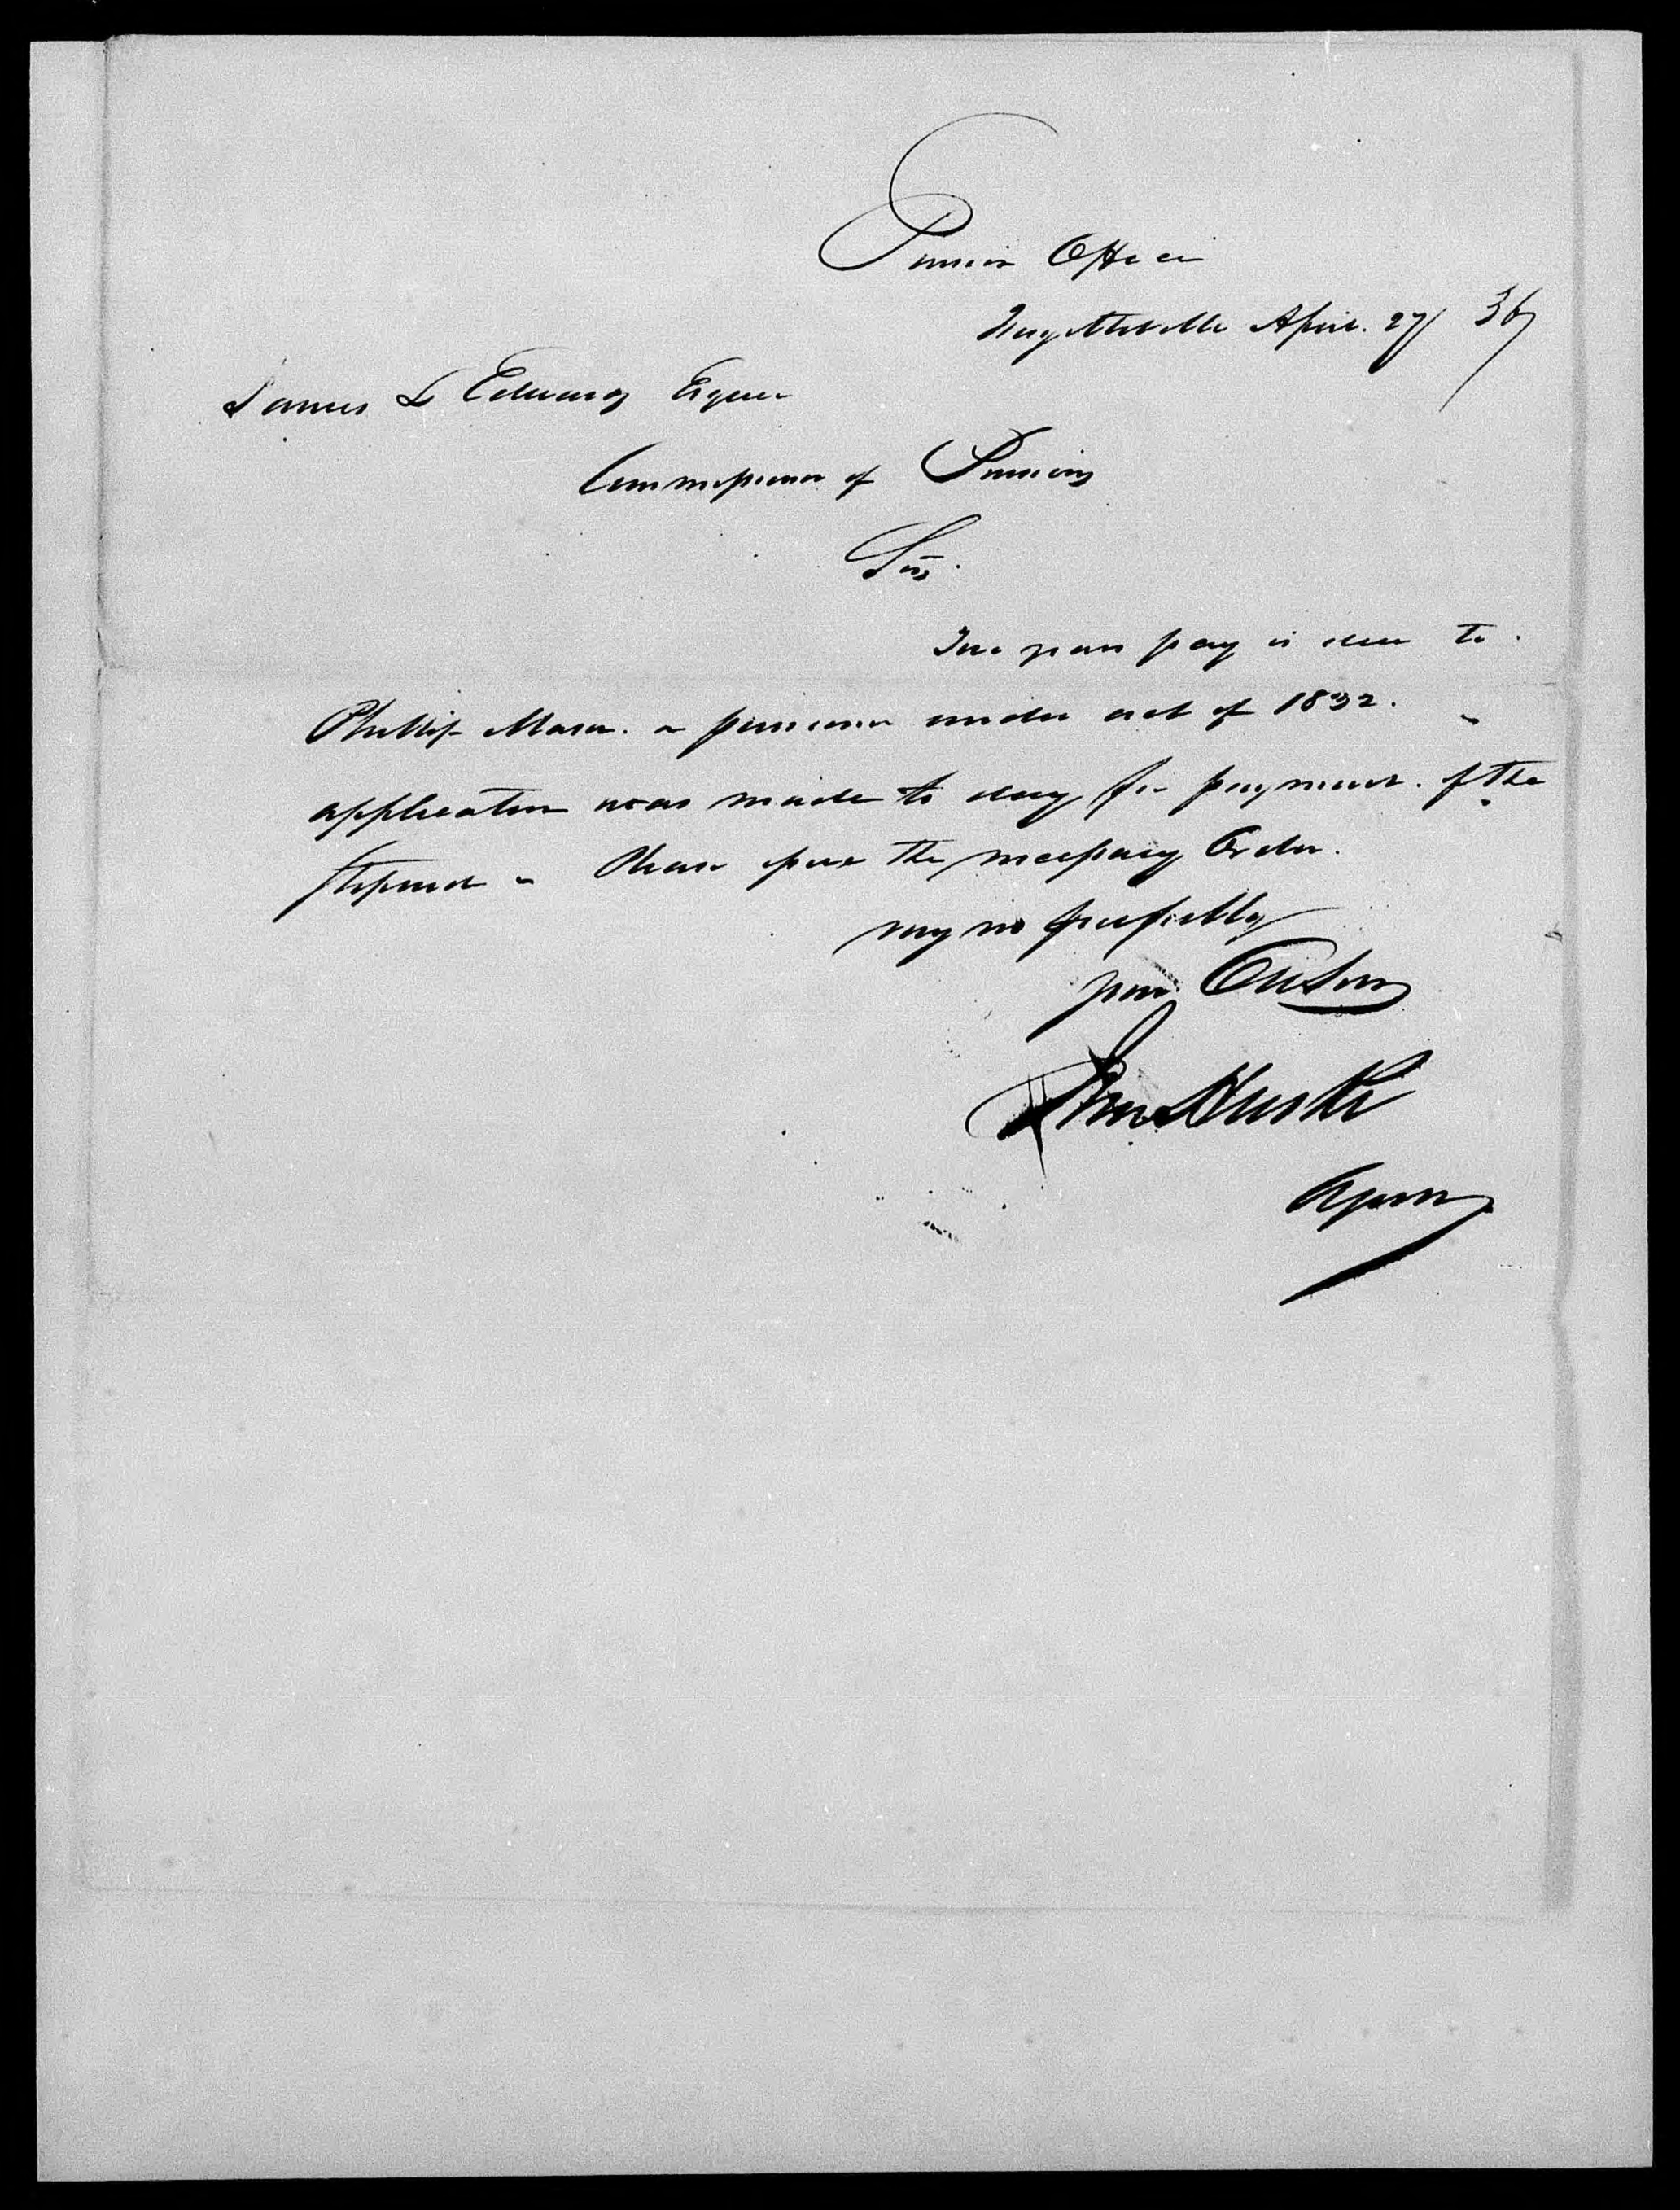Pension office
Illegible April 27 36
James L Edward Esquire
Commissioner of Pension
Illegible
The illegible pay is due
to Philip Mason a pensioner under act of 1832.
application was made to day for payment illegible the necessary order.
Illegible
Illegible
Illegible
Illegible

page: 16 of 18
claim: survivor's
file: S. 8,994, for Philip Mason, North Carolina